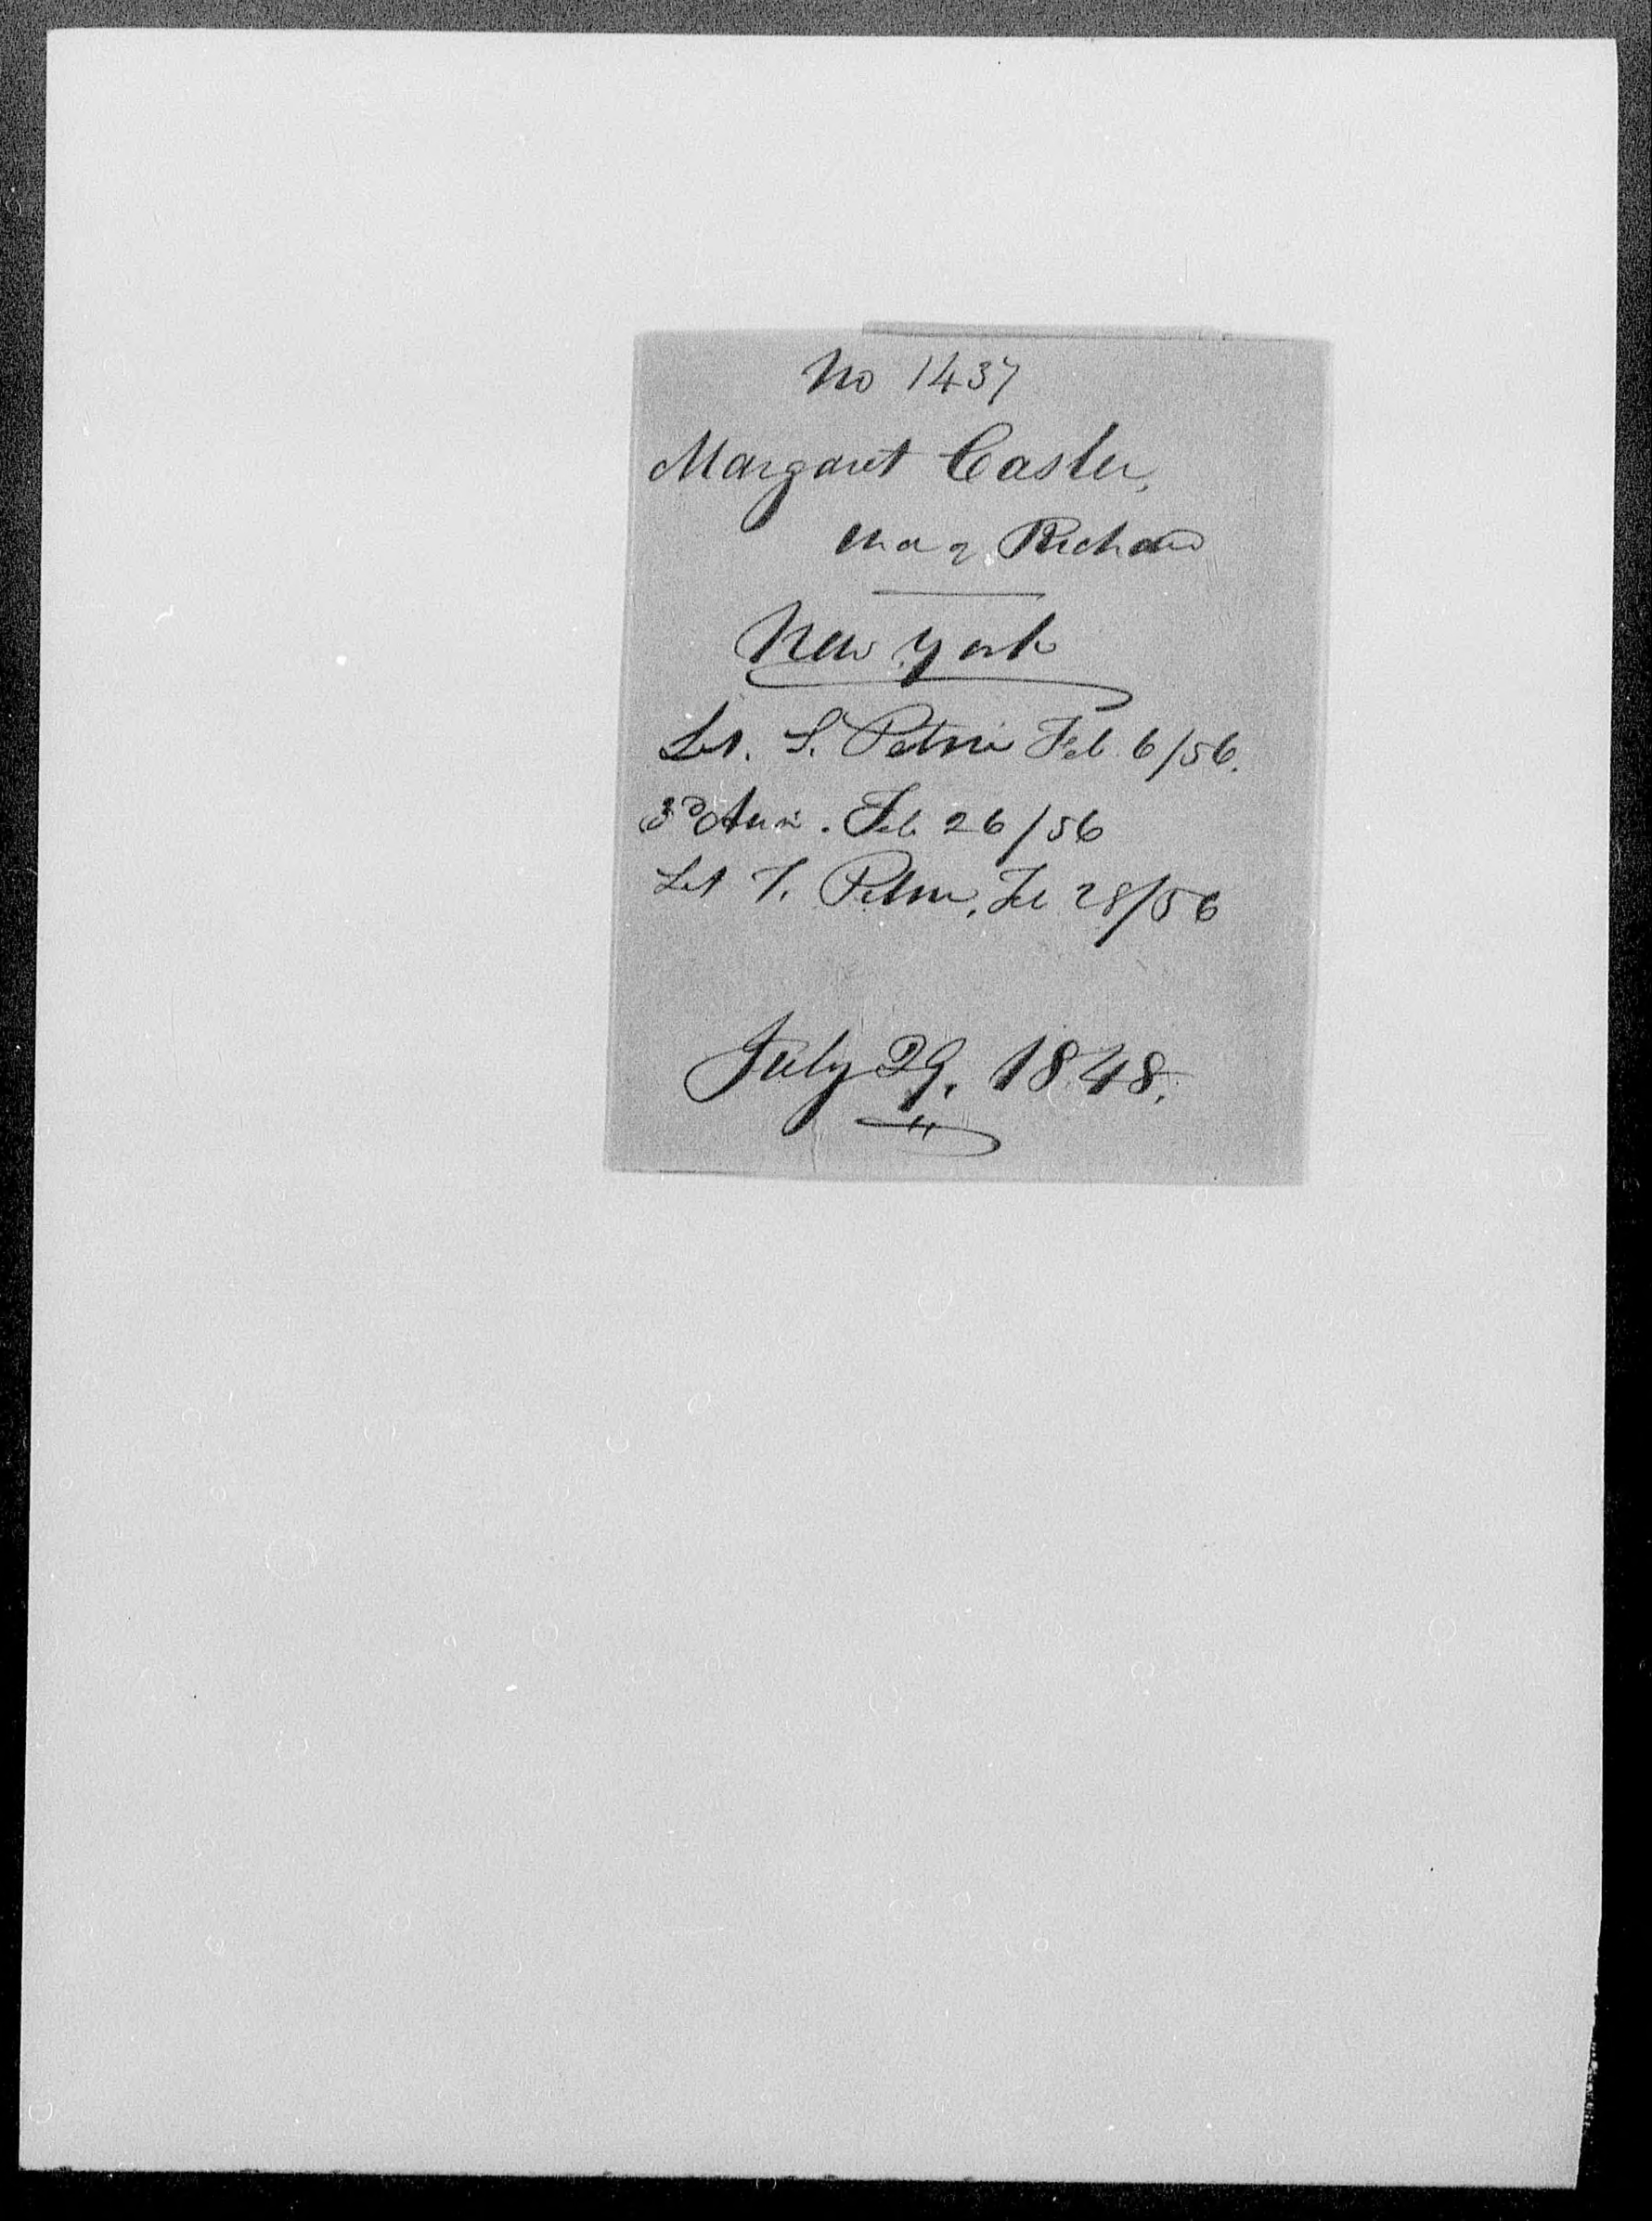No 1437
Margaret Casler wid of Richard 
New York 
Let. S. Petrie Feb 6/56. 
3d Aud Feb 26/56 
Let T. Petrie, Feb 28/56 

July 29, 1848.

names: Margaret Casler, S Petrie, Richard Casler, T Petrie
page: 31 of 66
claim: widow's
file: W. 6637, Richard Caslar, New York